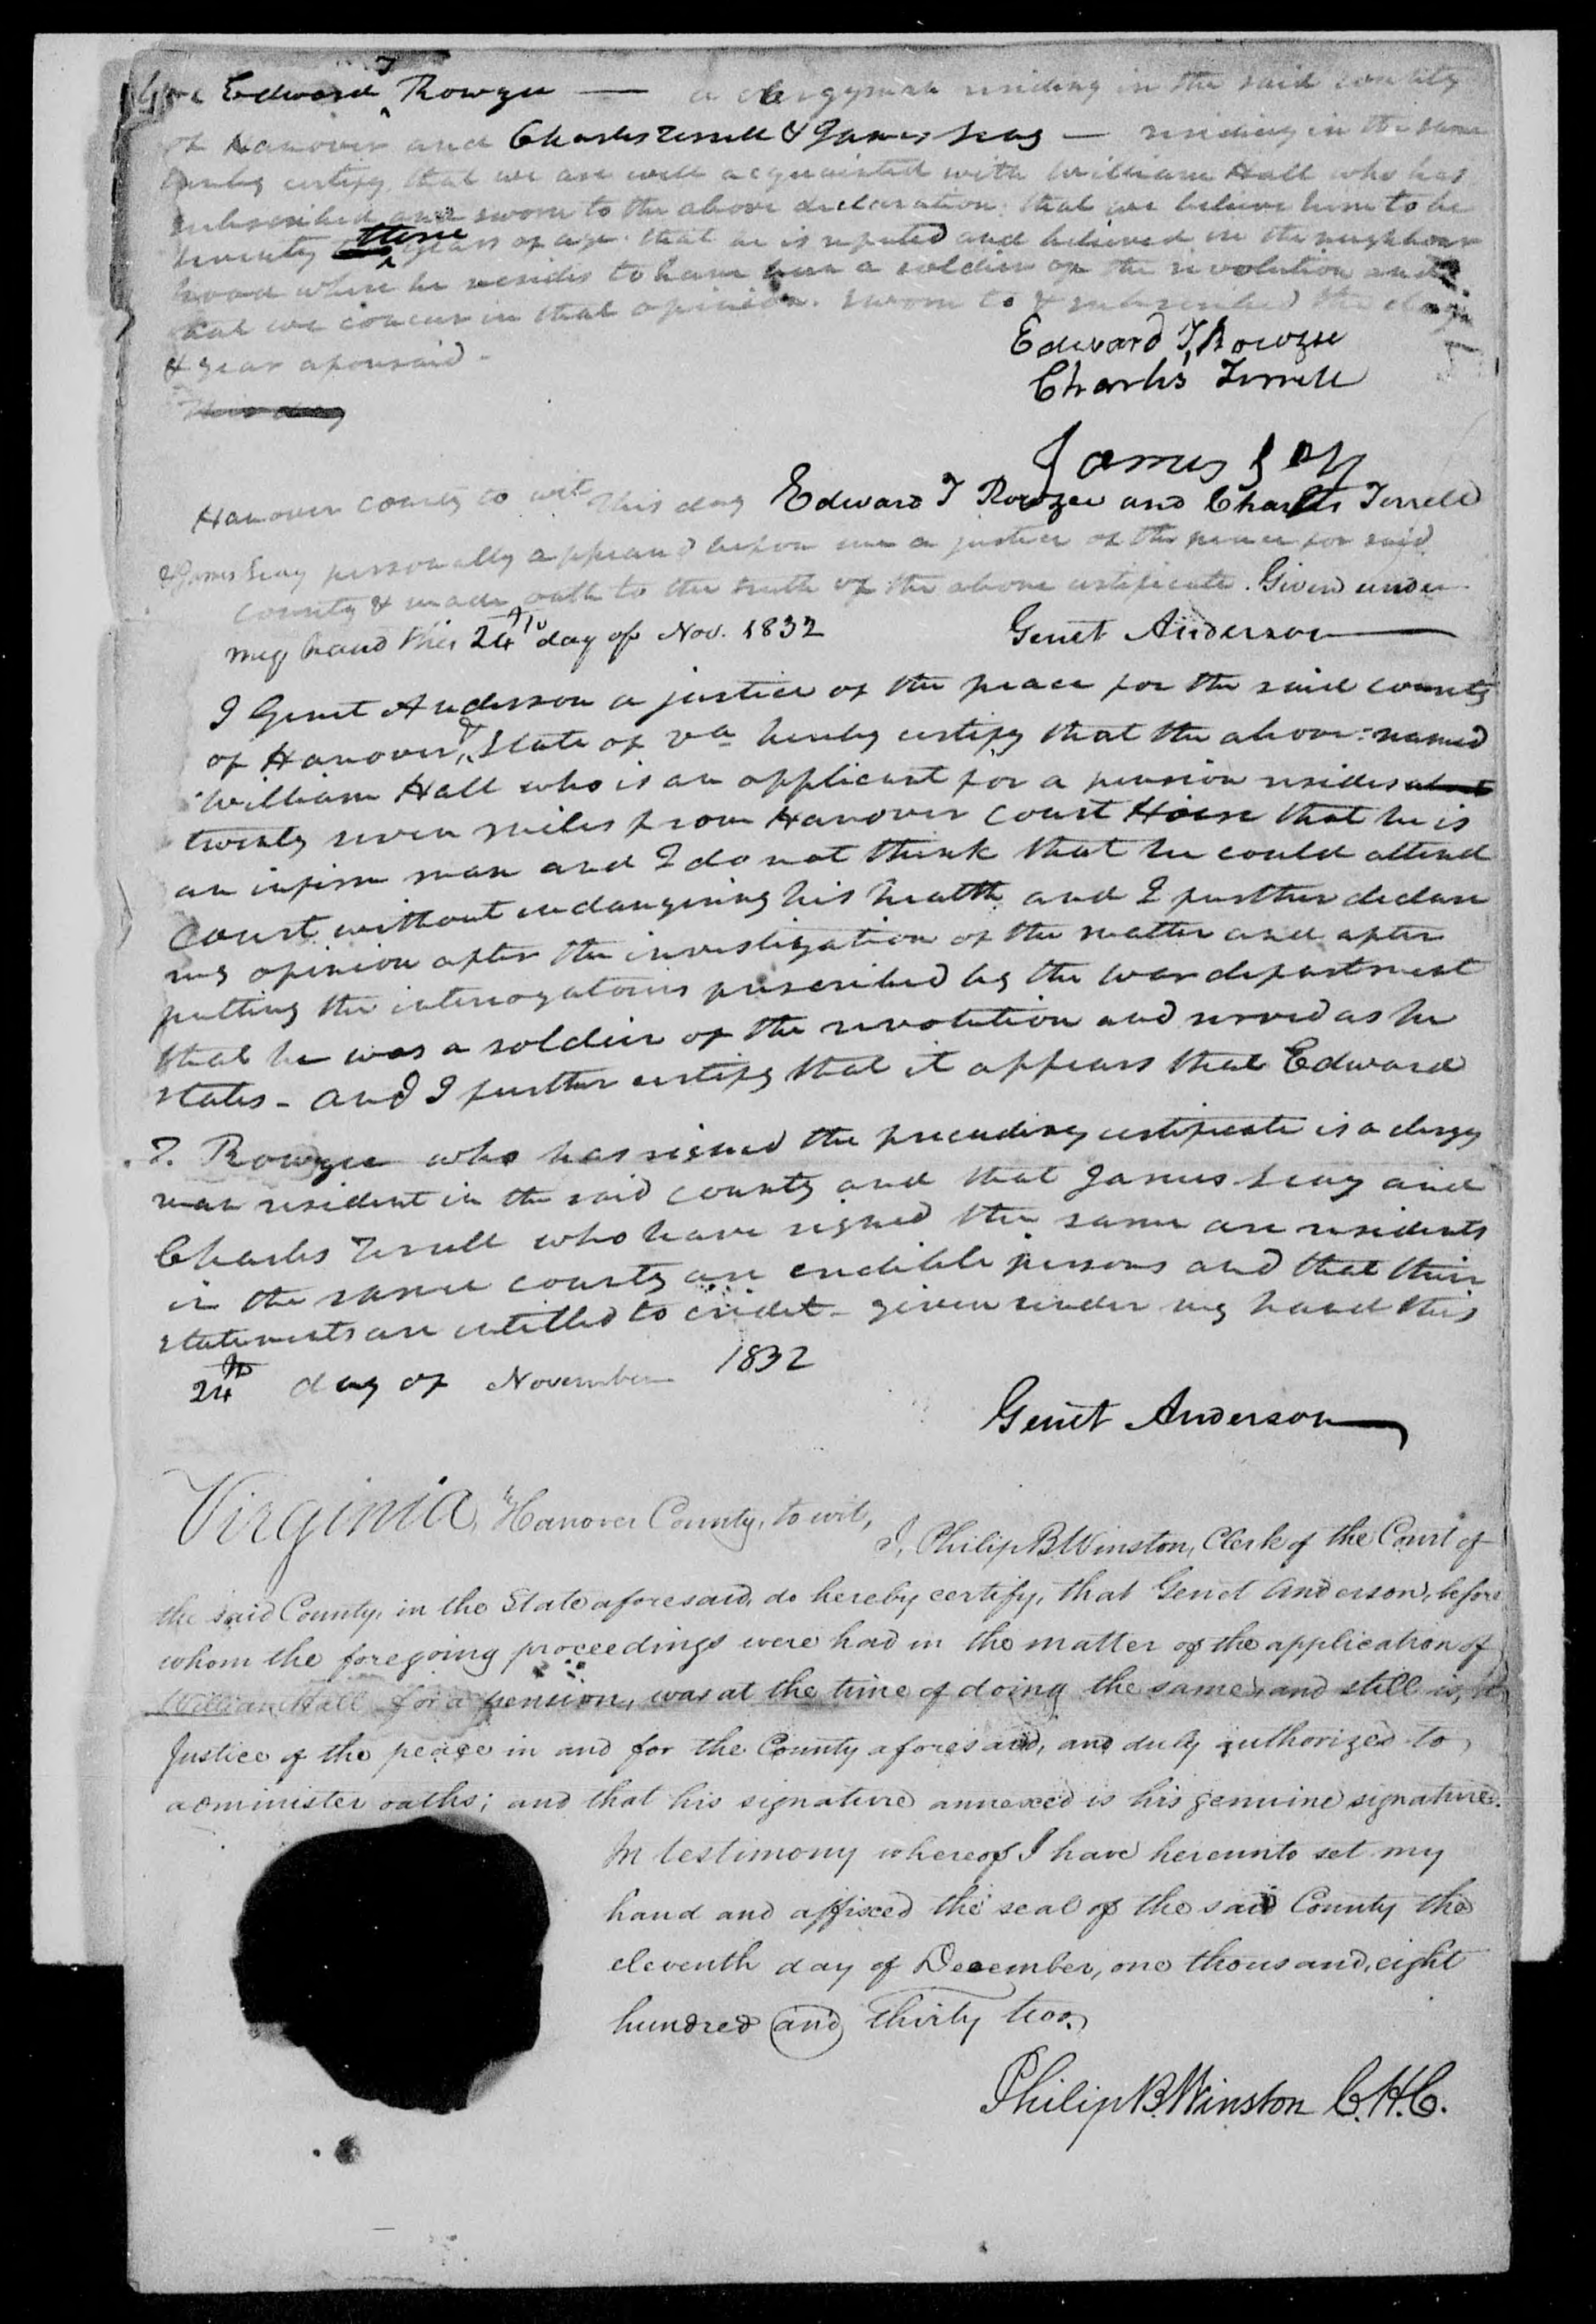Edward T. Rowzer - a clergyman residing in the said County of Hanover and Charles Terrell & James Seas - residing in the same hereby certify, that we are well acquainted with William Hall who subscribed and sworn to the above declaration that we believe him to be seventy three years of age that he is reputed and believed in the neighborhood where he resides to have been a soldier of the revolution and that we concur in that opinion. 
Sworn to & subscribed the day & year aforesaid
Edward T. Rowzer
Charles Terrell

Hanover County to wit 
This day Edward T Rowzer and Charles Terrell & James Seay personally appeared before me a Justice of the peace for said county & made oath to the truth of the above certificate. Given under my hand this 24th day of Nov. 1832
Genet Anderson

I Genet Anderson a justice of the peace for the said County of Hanover & State of Va hereby certify that the above named William Hall who is an applicant for a pension resides twenty seven miles from Hanover Court House that he is an infirm man and I do not think that he could attend Court without endangering his health and I further declare my opinion after the investigation of the matter and after putting the interrogatories prescribed by the war department that he was a soldier of the revolution and served as he states, and I further certify that it appears that Edward
T Rowzer who has signed the preceding certificate is a clergyman resident in the said County and that James Seay and Charles Terrell who have signed the same are residents in the same county an credible persons and that their statements are entitled to credit. Given under my hand this 24th day of November1832
Genet Anderson

Virginia, Hanover County to wit, 
I Philip B Winston, Clerk of the Court of the said County, in the State aforesaid, do hereby certify, that Genet Anderson, before whom the foregoing proceedings were had in the matter of the application of William Hall for a pension, was at the time of doing the same and still is, Justice of the peace in and for the County aforesaid, and duly authorized to administer oaths, and that his signature annexed is his genuine signature.
In testimony whereof I have hereunto set my hand and affixed the seal of the said County the eleventh day of December, one thousand, eight hundred and thirty two.
Philip B. Winston C.H.C.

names: Gerret Anderson, Gerret Anderson, Edward T Rowzer, Edward T Rowzer, William Hall, William Hall, James Seay, Philip B Winston, Edward T Rowzer, Charles Terrell, Charles Terrell, Philip B Winston, Gerret Anderson, Charles Terrell, Edward T Rowzer, James Seay, James Seay, James Seay, William Hall, Gerret Anderson, Charles Terrell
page: 6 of 15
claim: survivor's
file: S. 5475, William Hall, Va.